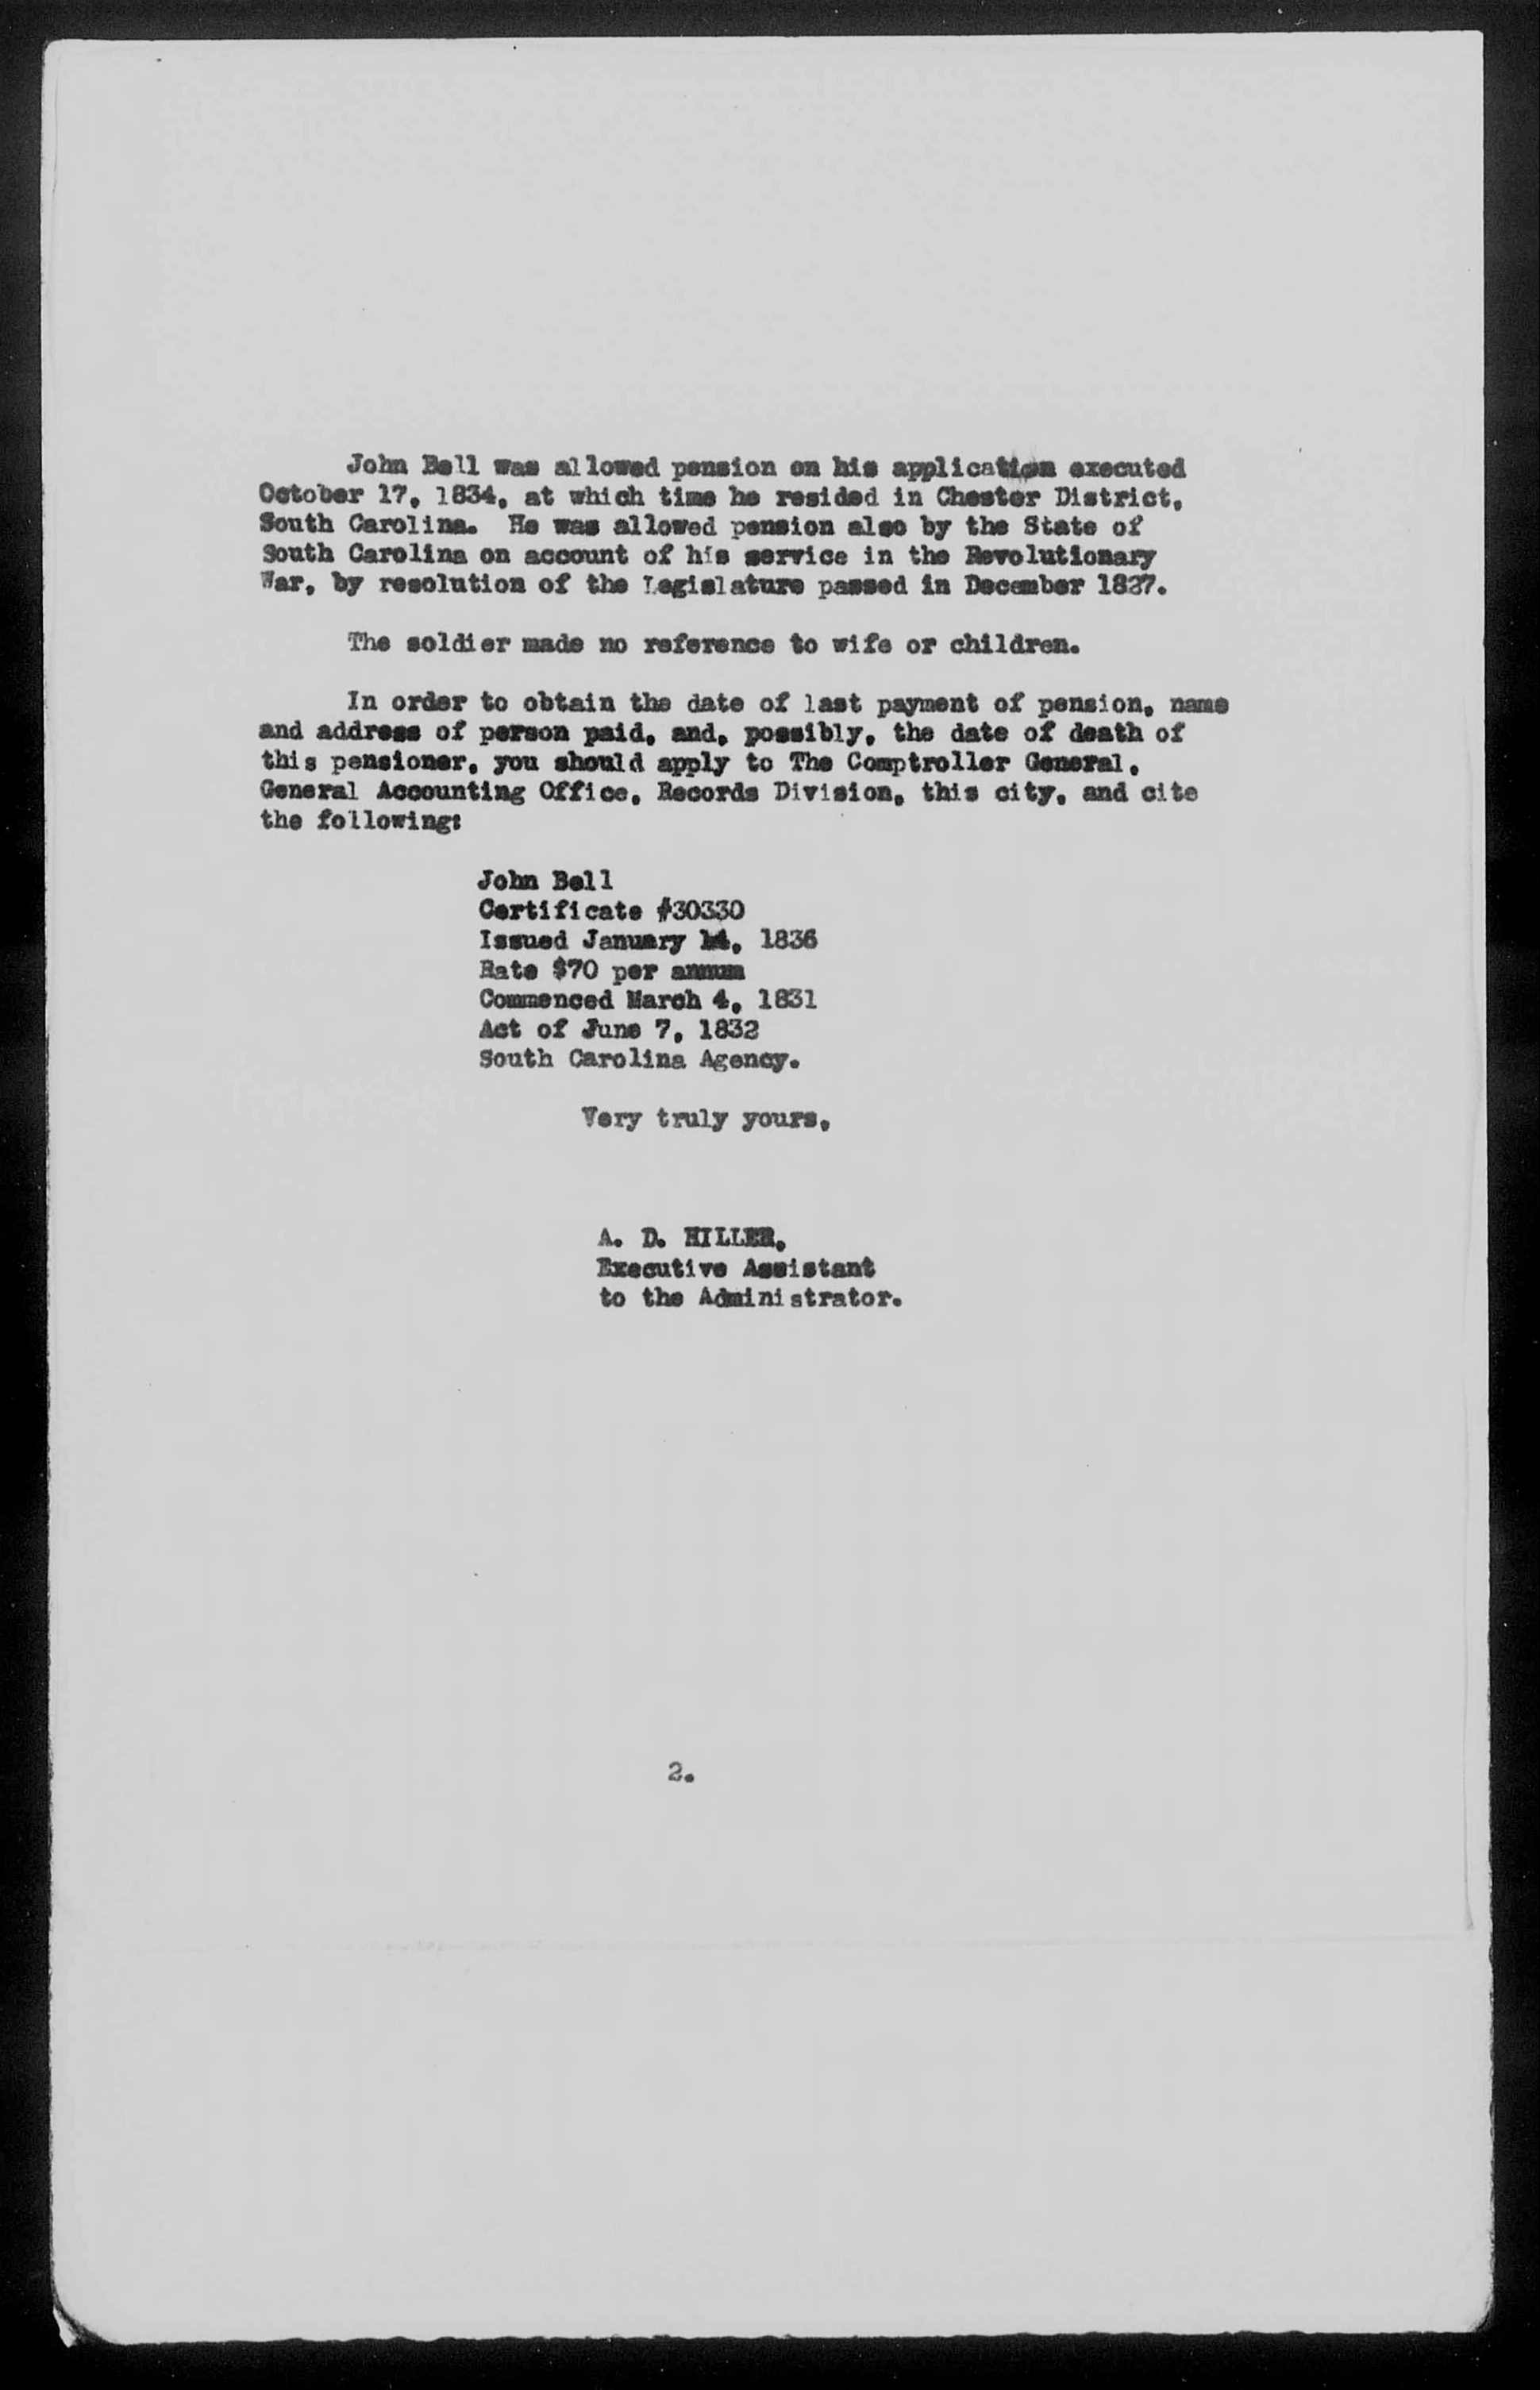John Bell was allowed pension on his application executed October 17, 1834, at which time he resided in Chester District,
South Carolina. He was allowed pension also by the State of South Carolina on account of his service in the Revolutionary War, by resolution of the Legislature passed in December 1827.
The soldier made no reference to wife or children.
In order to obtain the date of last payment of pension, name and address of person paid, and, possibly, the date of death of this pensioner, you should apply to The Comptroller General, General Accounting Office, Records Division, this city, and cite
the following:
John Bell
Certificate #30330
Issued January 14, 1836
Rate $70 per annum
Commenced March 4, 1831
Act of June 7, 1832
South Carolina Agency.
Very truly yours,
A. D. HILLER,
Executive Assistant
to the Administrator.
2.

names: John Bell, John Bell, A D Hiller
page: 8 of 23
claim: survivor's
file: S. 21068, John Bell, Ga. N. C. S. C.